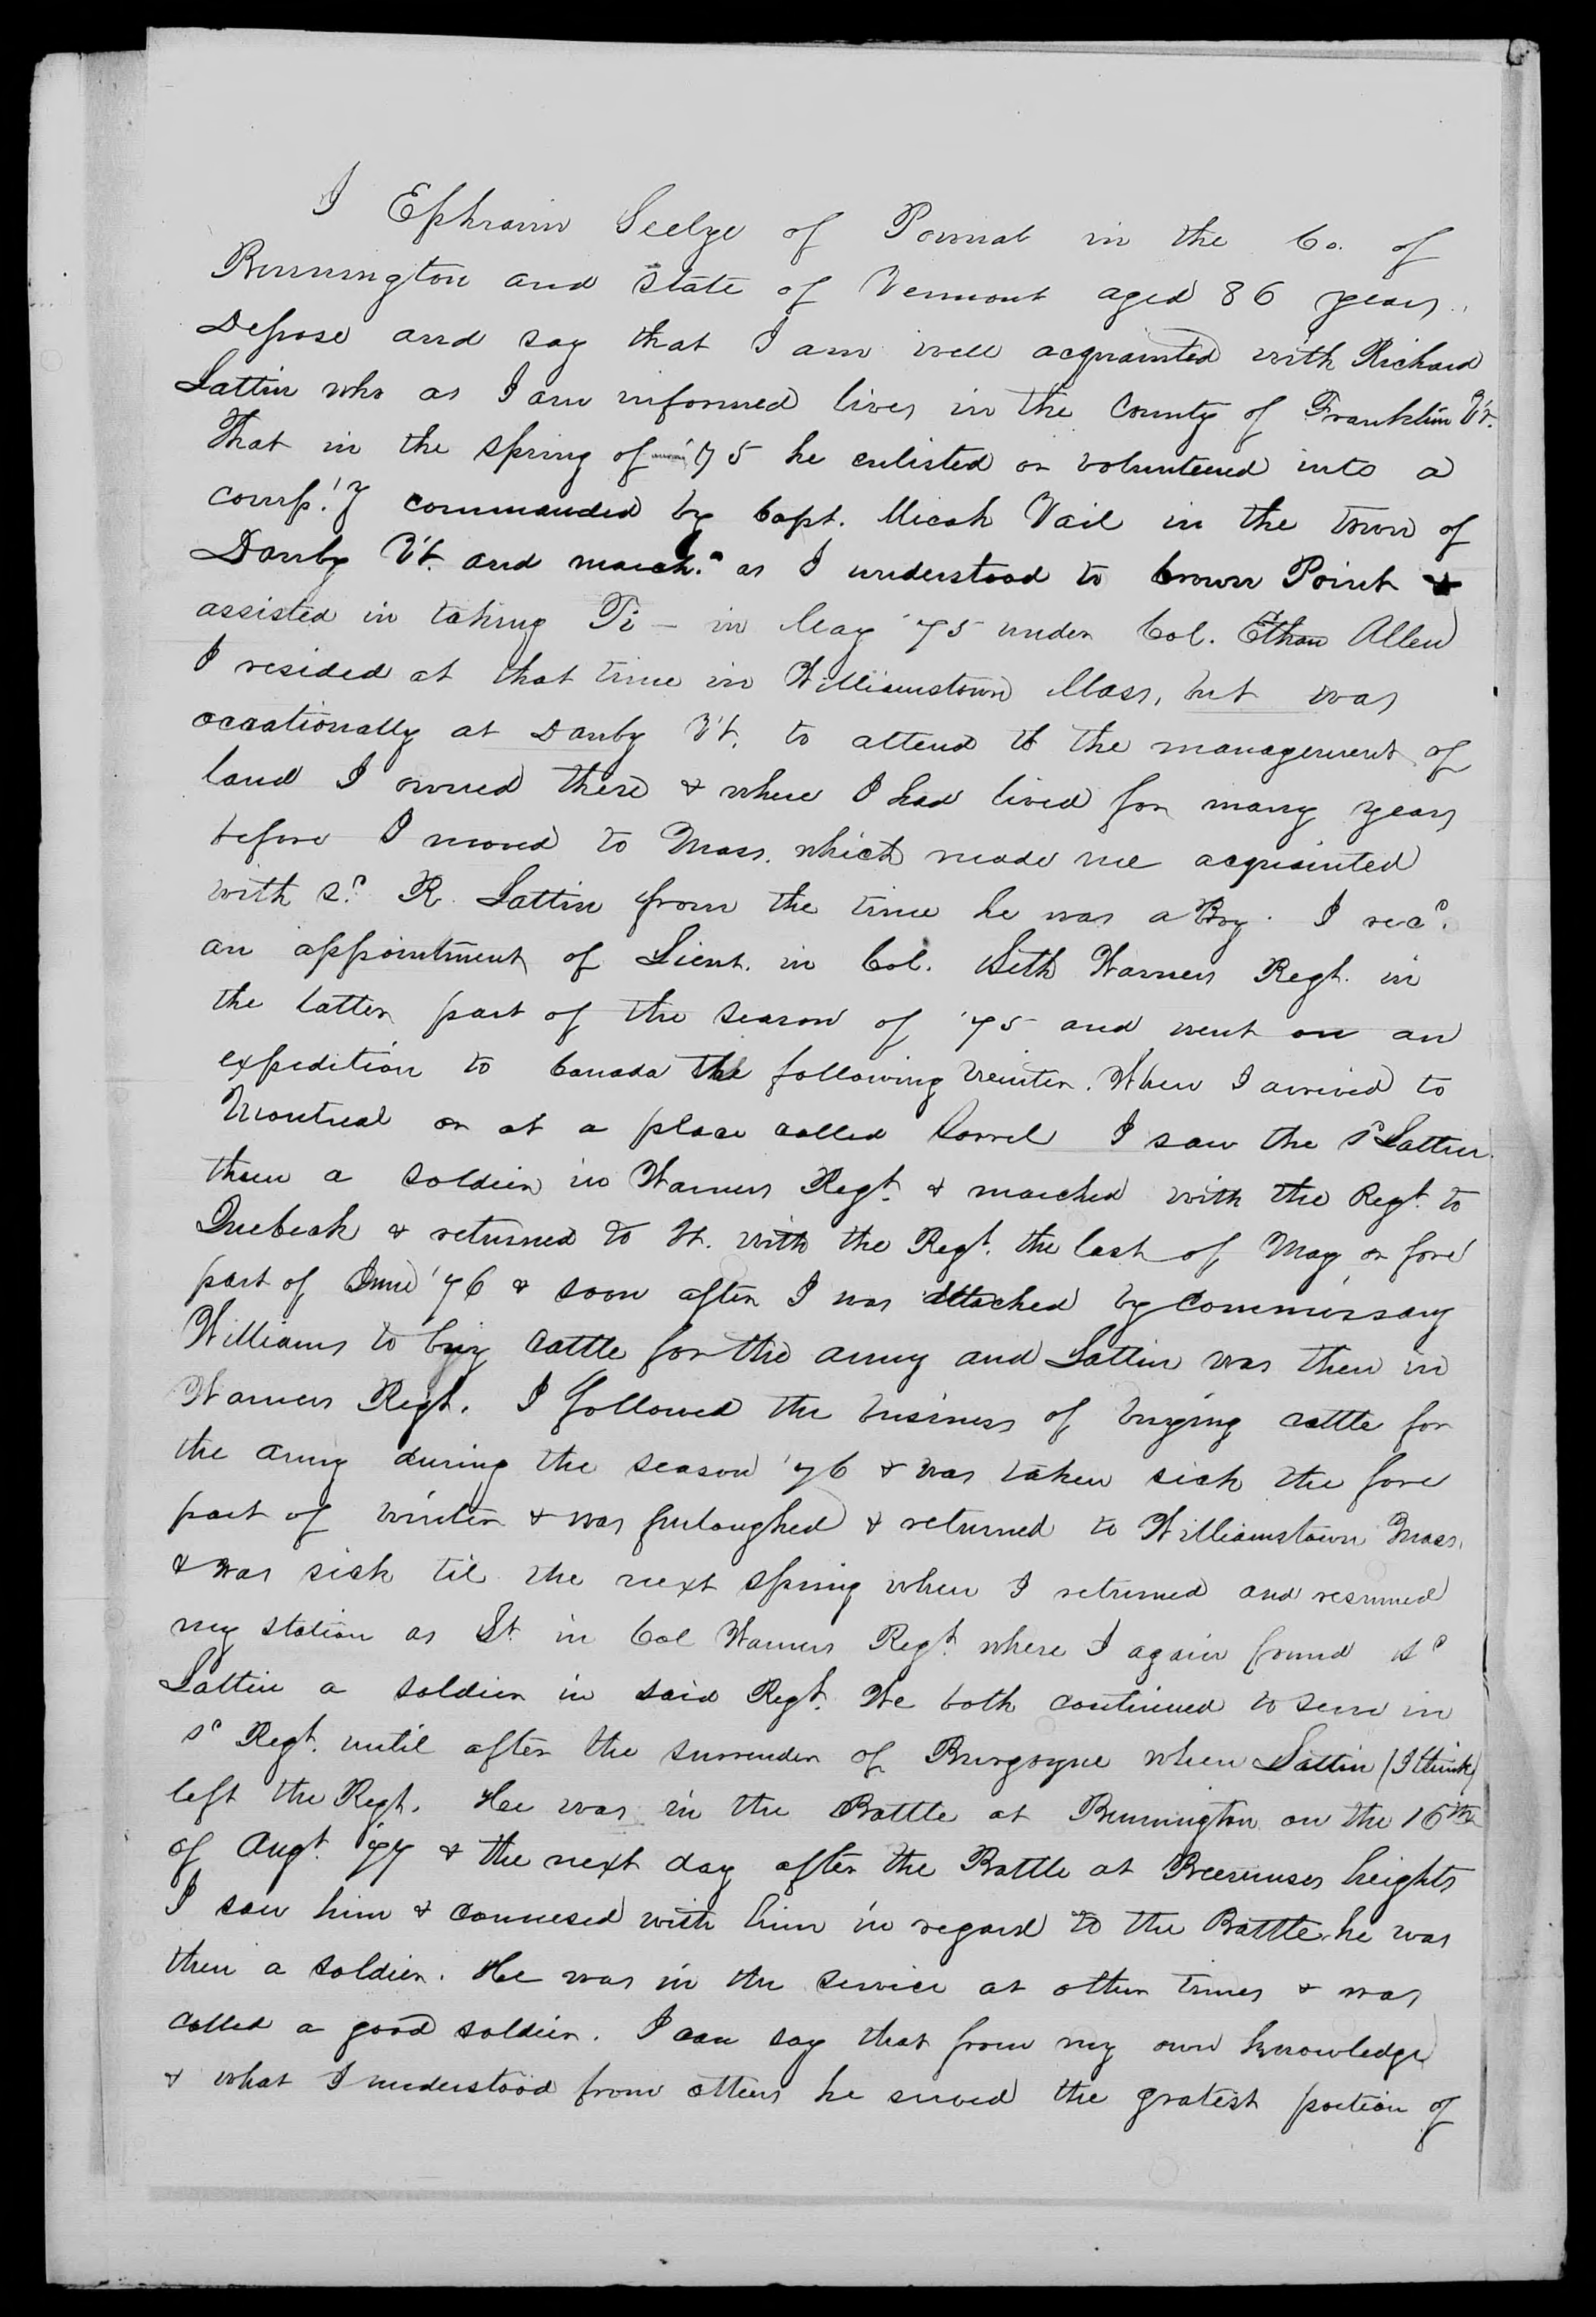I Ephraim Seelye of Pownal in the Co of
Bennington and State of Vermont aged 86 years
Depose and say that I am well acquainted with Richard
Lattin who as I am informed lives in the County of Franklin Vt.
That in the spring of 1775 he enlisted or volunteered into a
Comp. commanded by Capt. Micah Vail in the town of
Danby Vt and marched as I understood to Crown Point  &
assisted in taking Ti [Ticonderoga] in May 75 under Col. Ethan Allen. I resided at that time in Williamstown Mass, but was
occationally at Danby Vt. to attend to the management of
land I owned there & where I had lived for many years
before I moved to Mass. Which made me acquainted with
 s’d R. Lattin from the time he was a boy. I rec’d
an appointment of Lieut in Col. Seth Warners Regt in
the latter part of the season of 1775 and went on an
expedition to Canada the following winter. When I arrived to
Montreal or at a place called Sorrel I saw the s’d Lattin, 
then a soldier in Warner’s Regt & marched with the Regt to
Quebeck & returned to Vt with the Regt the last of May or fore
part of June ‘76. & soon after I was detached by Commissary
Williams to buy cattle for the army and Lattin was then in
Warner’s Regt. I followed the business of buying cattle for
the army during the season 76 & was taken sick the fore
part of winter & was furloughed & returned to Williamstown Mass. I was sick til the next spring when I returned and resumed my station as Lt in Col Warners Regt where I again found s’d Lattin a soldier in said Regt. We both continued to serve in s’d Regt until after the surrender of Burgoyne when Lattin (I think) left the Regt. He was in the Battle at Bennington on the 16th of Aug’t 1777 & the next day after the Battle at [Bemiss] heights, I  saw him & conversed with him in regard to the Battle.  He was then a soldier. He was in the service at other times & was called a good soldier. I can say that from my own knowledge & what I understood from others he served the greatest portion of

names: Richard Lattin; Micah Vail; [BLANK] Burgoyne; Ethan Allen; Ephraim Seelye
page: 37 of 99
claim: widow's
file: W. 24,482, for Richard Lattin, Vermont